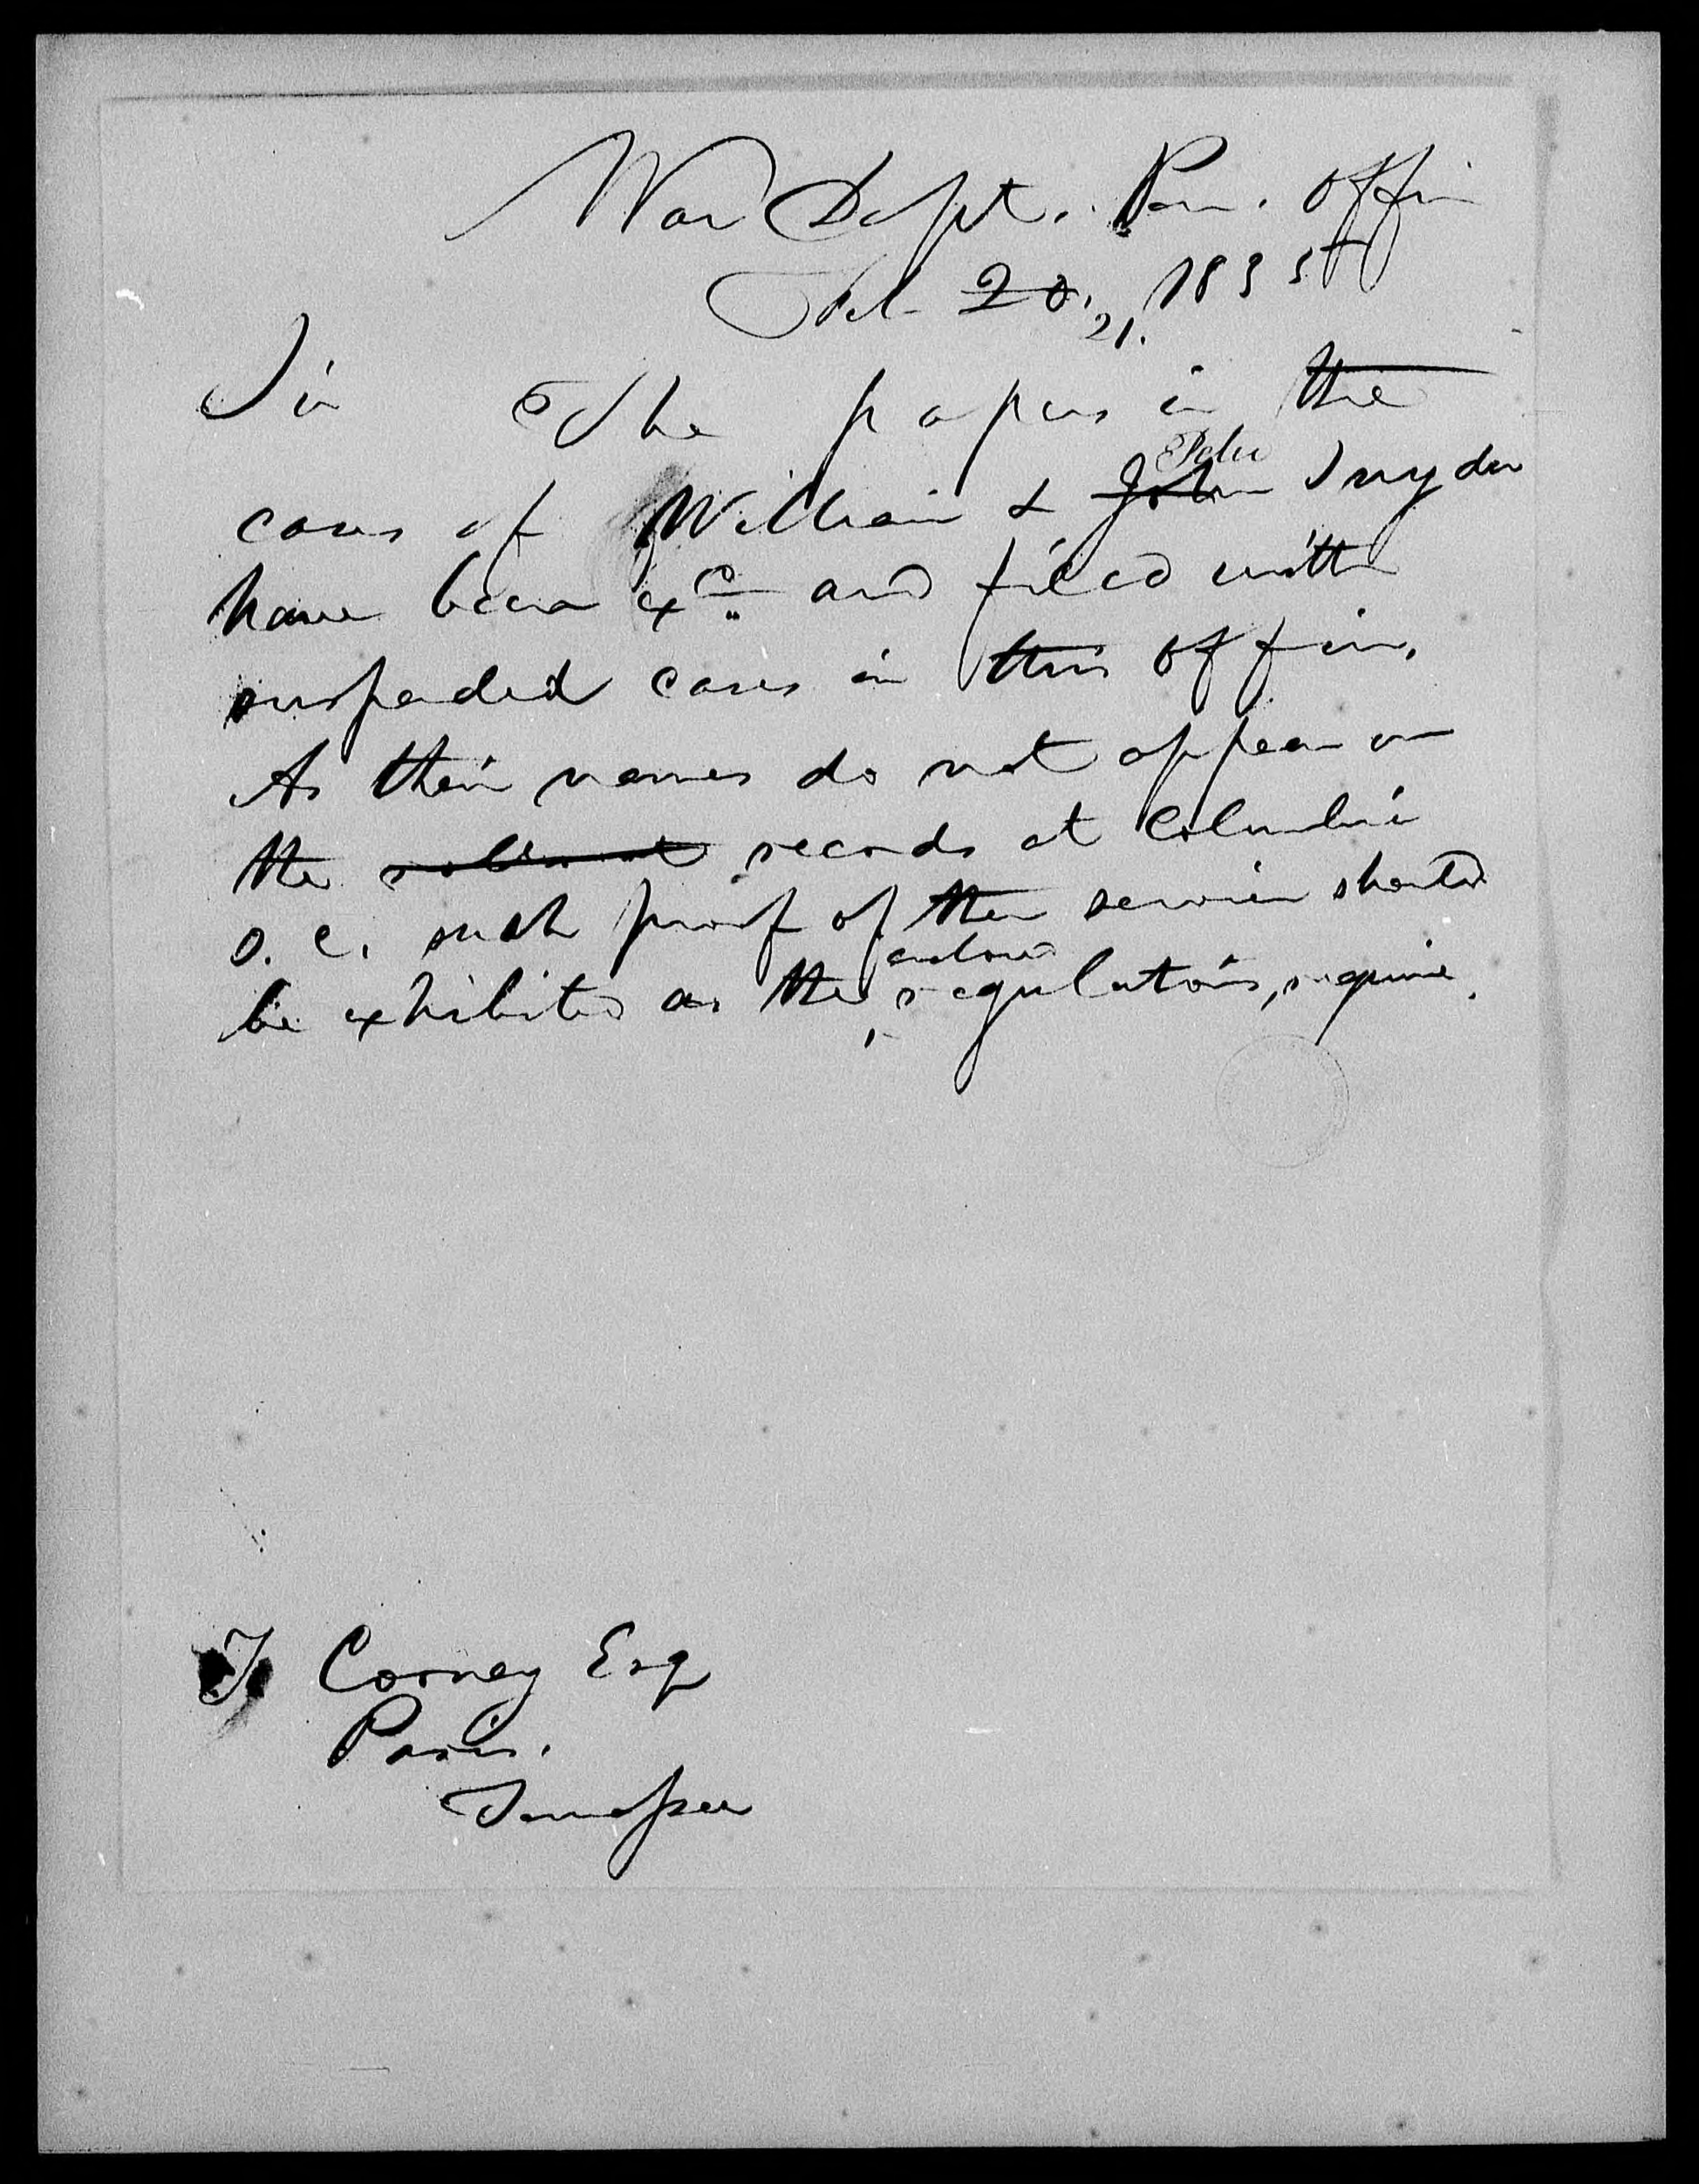War Dept. Pen. office
Oct. 21. 1835
Sir
The papers in the case of William & Peter Snyder have been exd. and filed with
suspended cases in this office. As their names do not appear at Columbia S.C. such proof of their service should be exhibited as the endow regulations require.

T. Cooney Esq
Paris, Tennessee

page: 27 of 33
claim: rejected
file: R 10439, for William Taylor, North Carolina